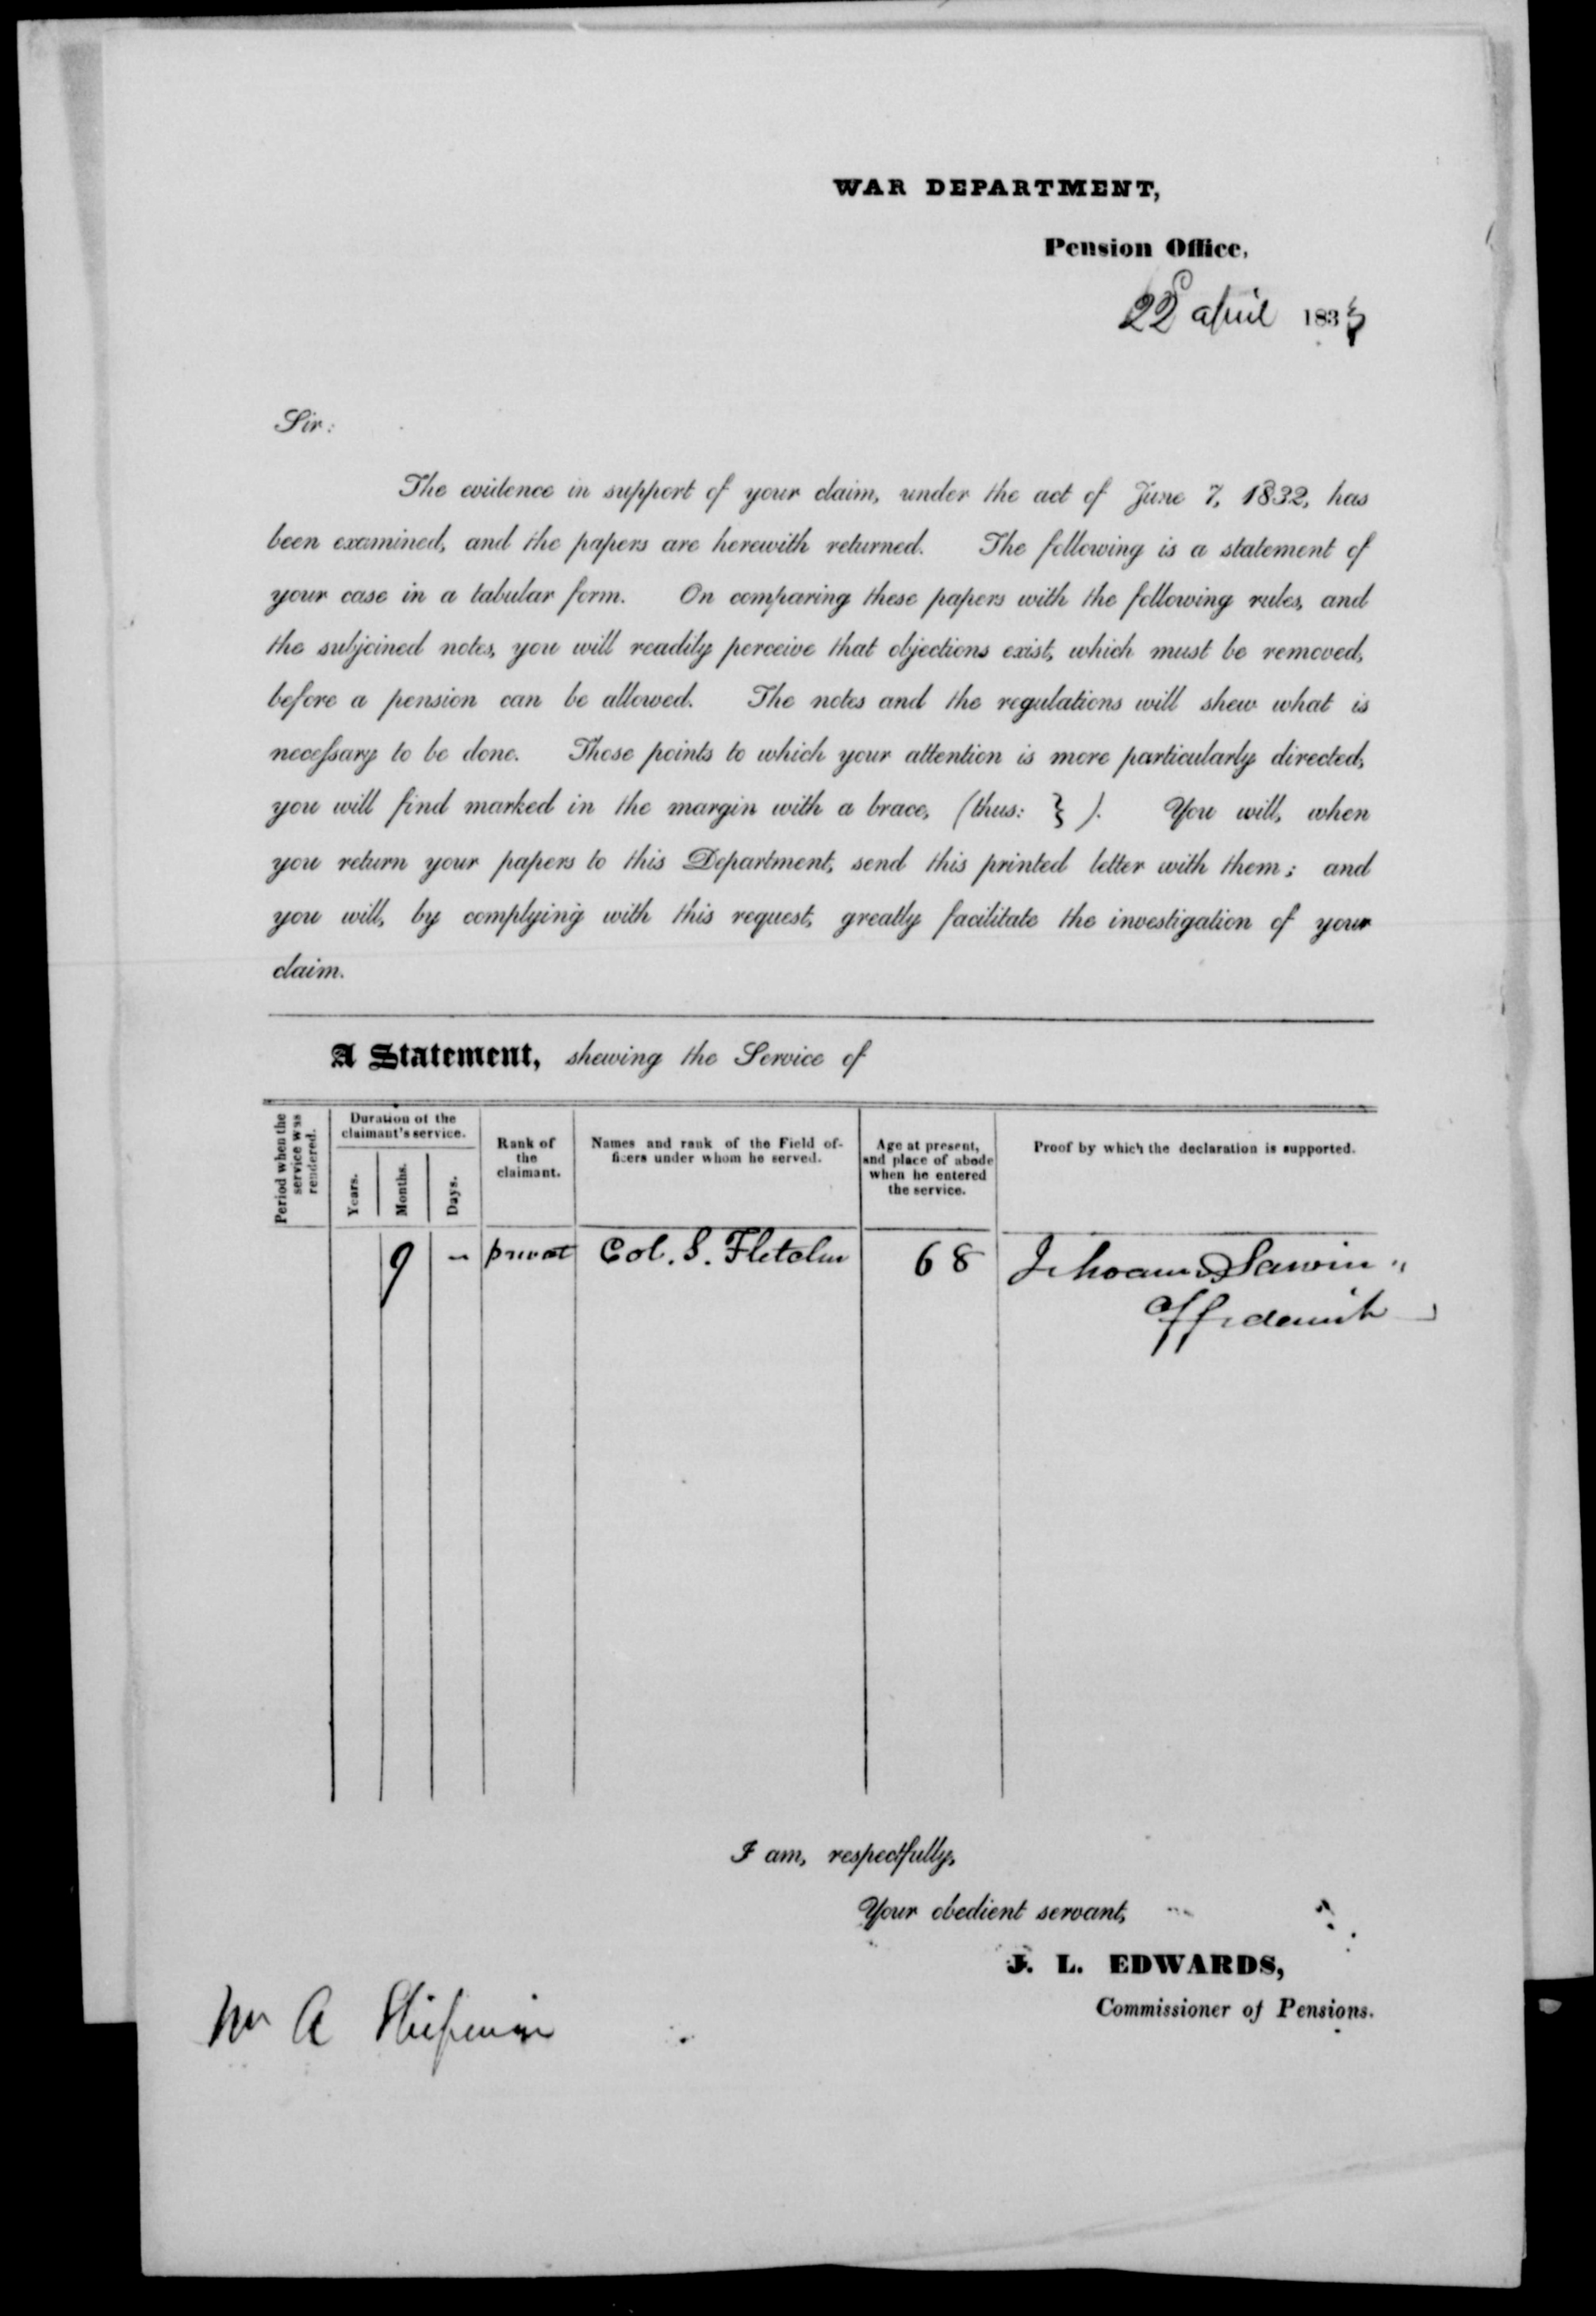WAR DEPARTMENT, 
Pension Office, 
22d April 1833 

Sir:
The evidence in support of your claim, under the act of June 7, 1832, has been examined, and the papers are herewith returned. The following is a statement of your case in a tabular form. On comparing these papers with the following rules, and the subjoined notes, you will readily perceive that objections exist, which must be removed, before a pension can be allowed. The notes and the regulations will shew what is necessary to be done. These points to which your attention is more particularly directed, you will find marked in the margin with a brace, (thus: }). You will, when you return your papers to this Department, send this printed letter with them; and you will, by complying with this request, greatly facilitate the investigation of your claim. 

A Statement, showing the Service of 
Period when the service was rendered.
Duration of the claimant's service. 
Years. Months Days 9 months  
Rank of the claimant. private 
Names and rank of the Field officers under whom he served. Col. S. Fletcher 
Age at present, and place of abode when he entered the service. 68 
Proof by which the declaration is supported
 Jeroham Sawin affidavit 

I am, respectfully,
Your obedient servant 
J. L. EDWARDS, 
Commissioner of Pensions.

{illegible signature}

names: Jehoam Sawin; J L Edwards; S Fletcher; A Shipman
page: 4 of 13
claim: survivor's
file: S. 15977, for Abraham Shipman, Vermont